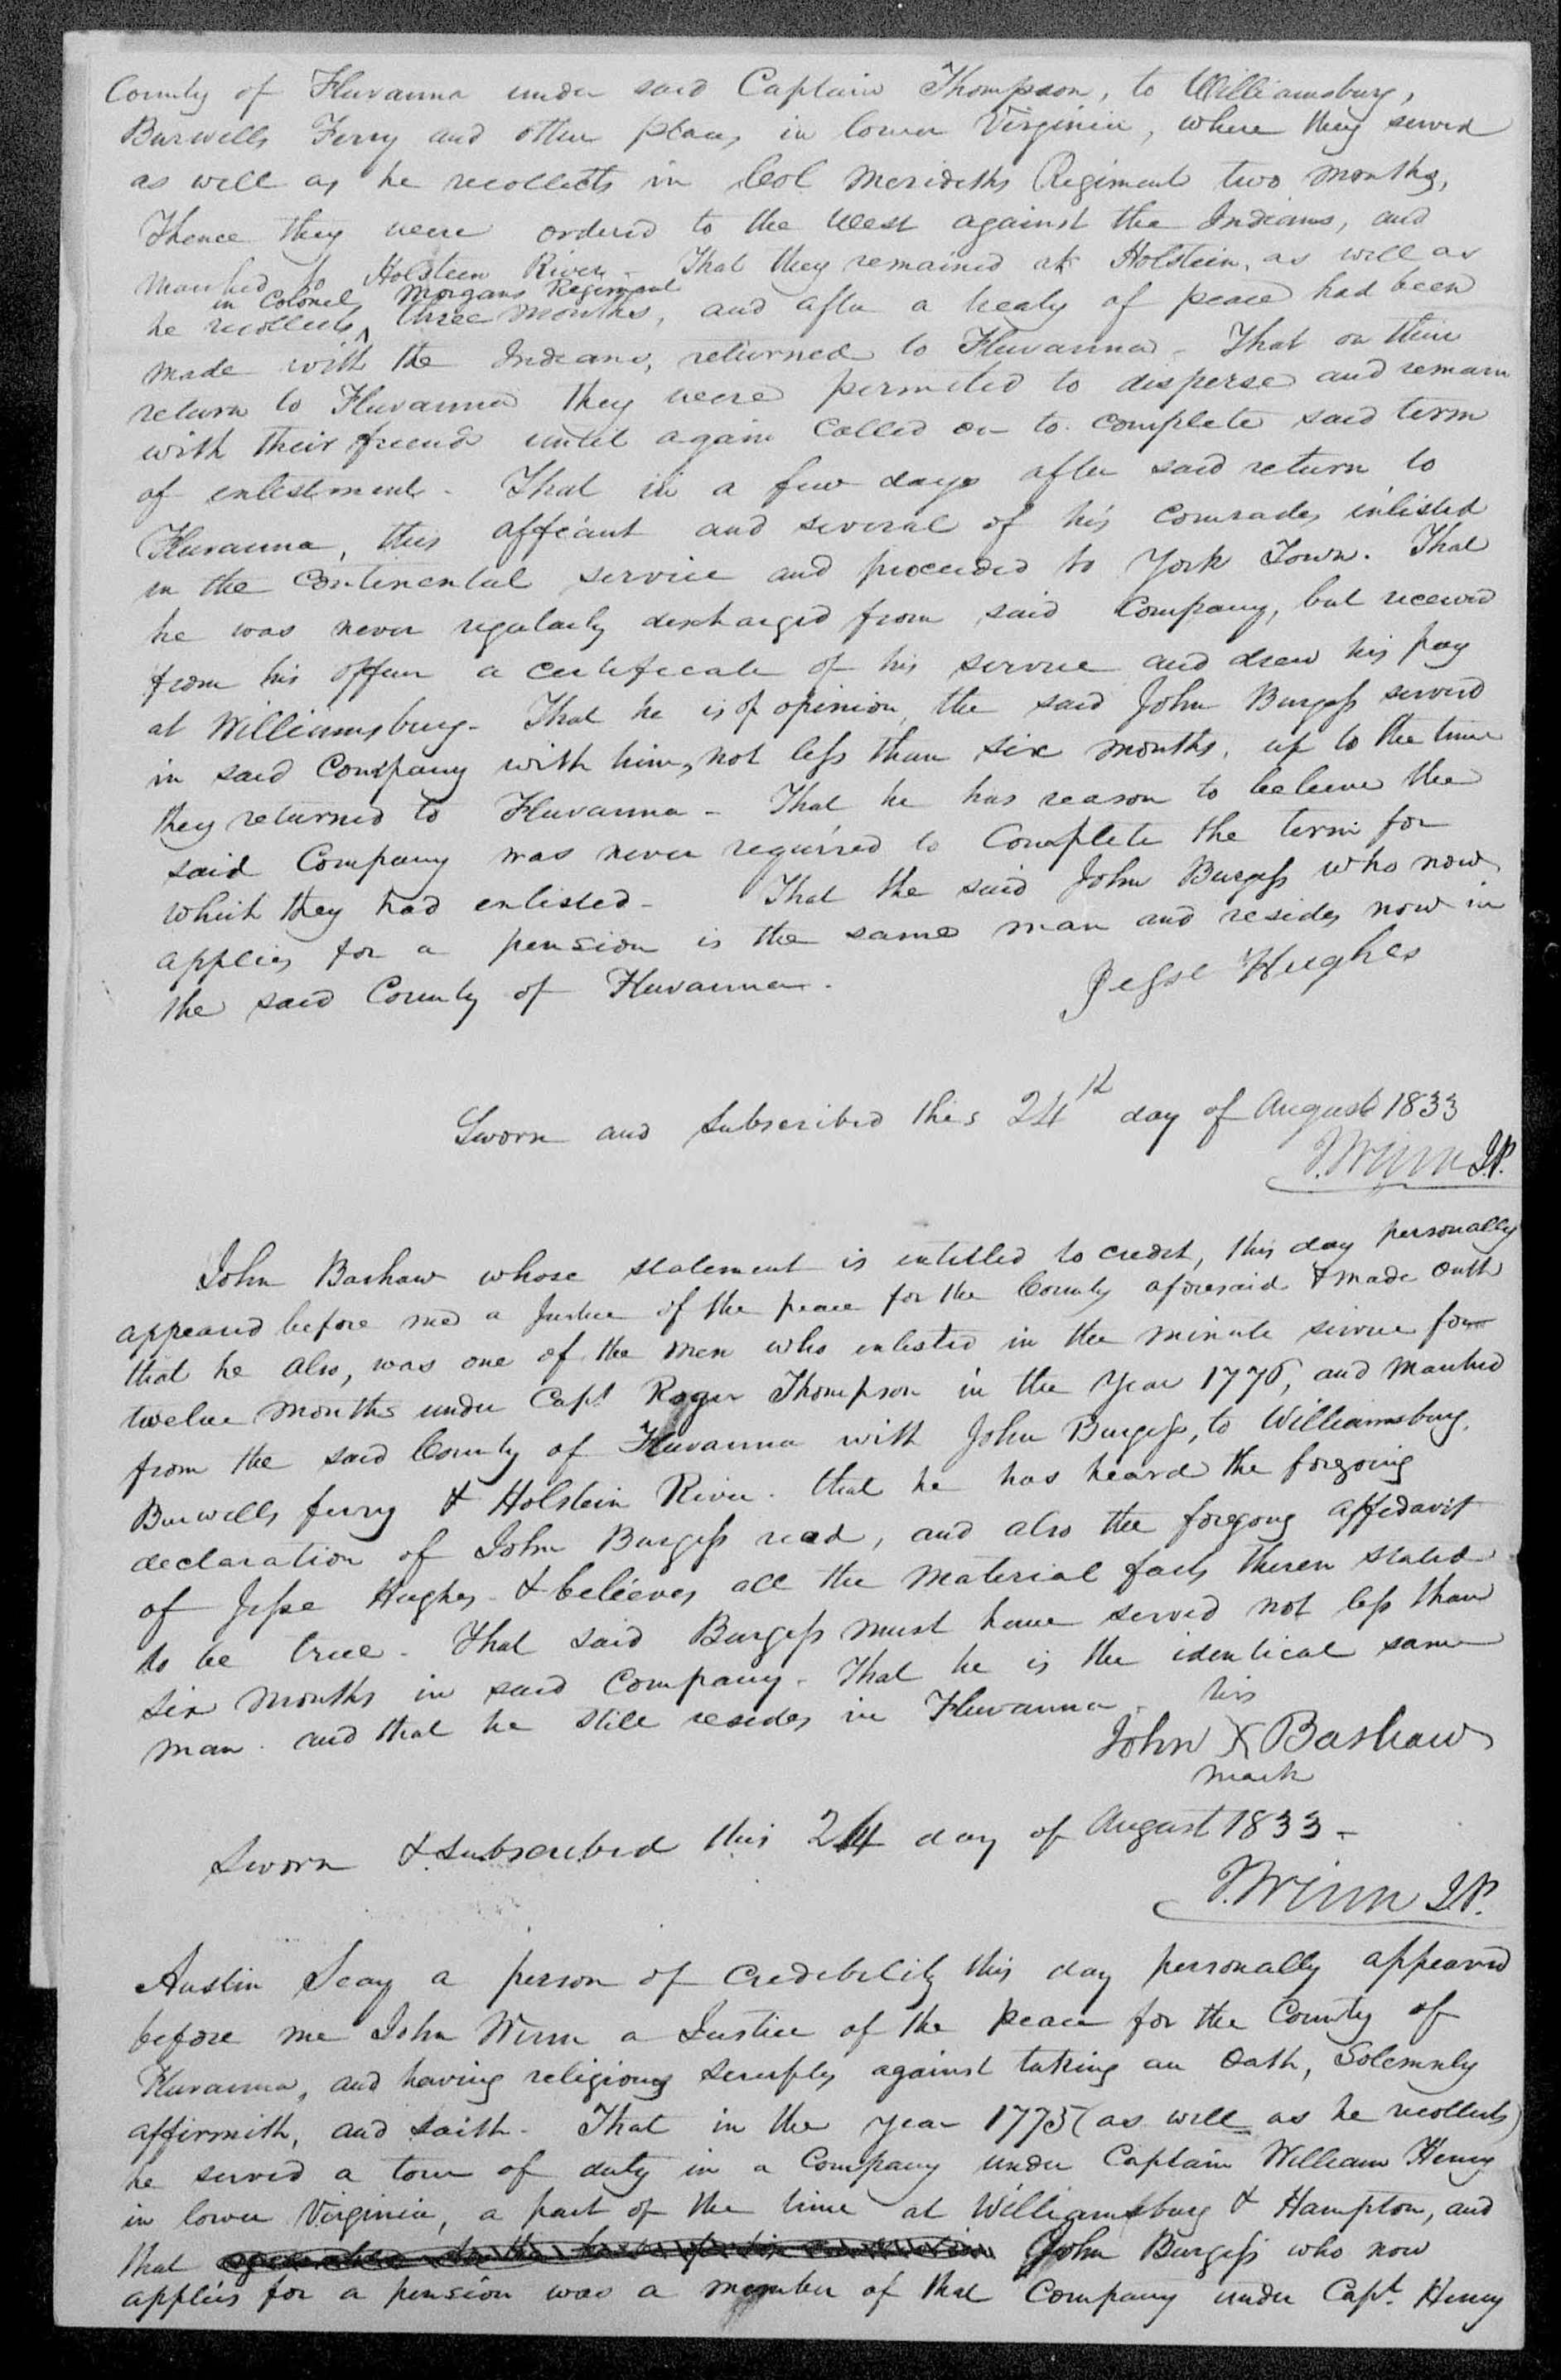County of Fluvanna under said Captain Thompson, to Williamsburg, Barwells Ferry and other places in lower Virginia, where they served as well as he recollects in Col Merideths Regiment two months, Thence they were ordered to the West against the Indians, and marched to Hosteen River.  That they remained at Holstein, as well as he recalls in Colonel Morgans Regiment, three months, and after a treaty of peace had been made with the Indians, returned to Fluvanna.  That on their return to Fluvanna they were permitted to disperse and remain with their friends until again called on to complete said term of enlistment.  That in a few days after said return to Fluvanna, this affiant and several of his comrades enlisted in the Continental service and proceeded to York Town.  That he was never regularly discharged from said company, but secured from his officer a certificate of his service and drew his pay at Williamsburg.  That he is of opinion, the said John Burgess served in said company with him not less than six months, up to the time they returned to Fluvanna - That he has reason to believe the said Company was never required to Complete the term for which they had enlisted.  That the said John Burgess who now applies for a pension is the same man and resides now in the said County of Fluvanna.
Jesse Hughes
Sworn and Subscribed this 24th day of August 1833
J Winn JP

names: John Burgess, Thompson, Roger Thompson, Austin Seay, John Burgess, William Henry, John Burgess, Jesse Hughes, Henry, John Barhaw, John Bashaw, Burgess, J Winn, John Winn, John Burgess, J Winn, John Burgess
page: 11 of 16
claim: survivor's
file: S. 8113, John Burgess, Va.